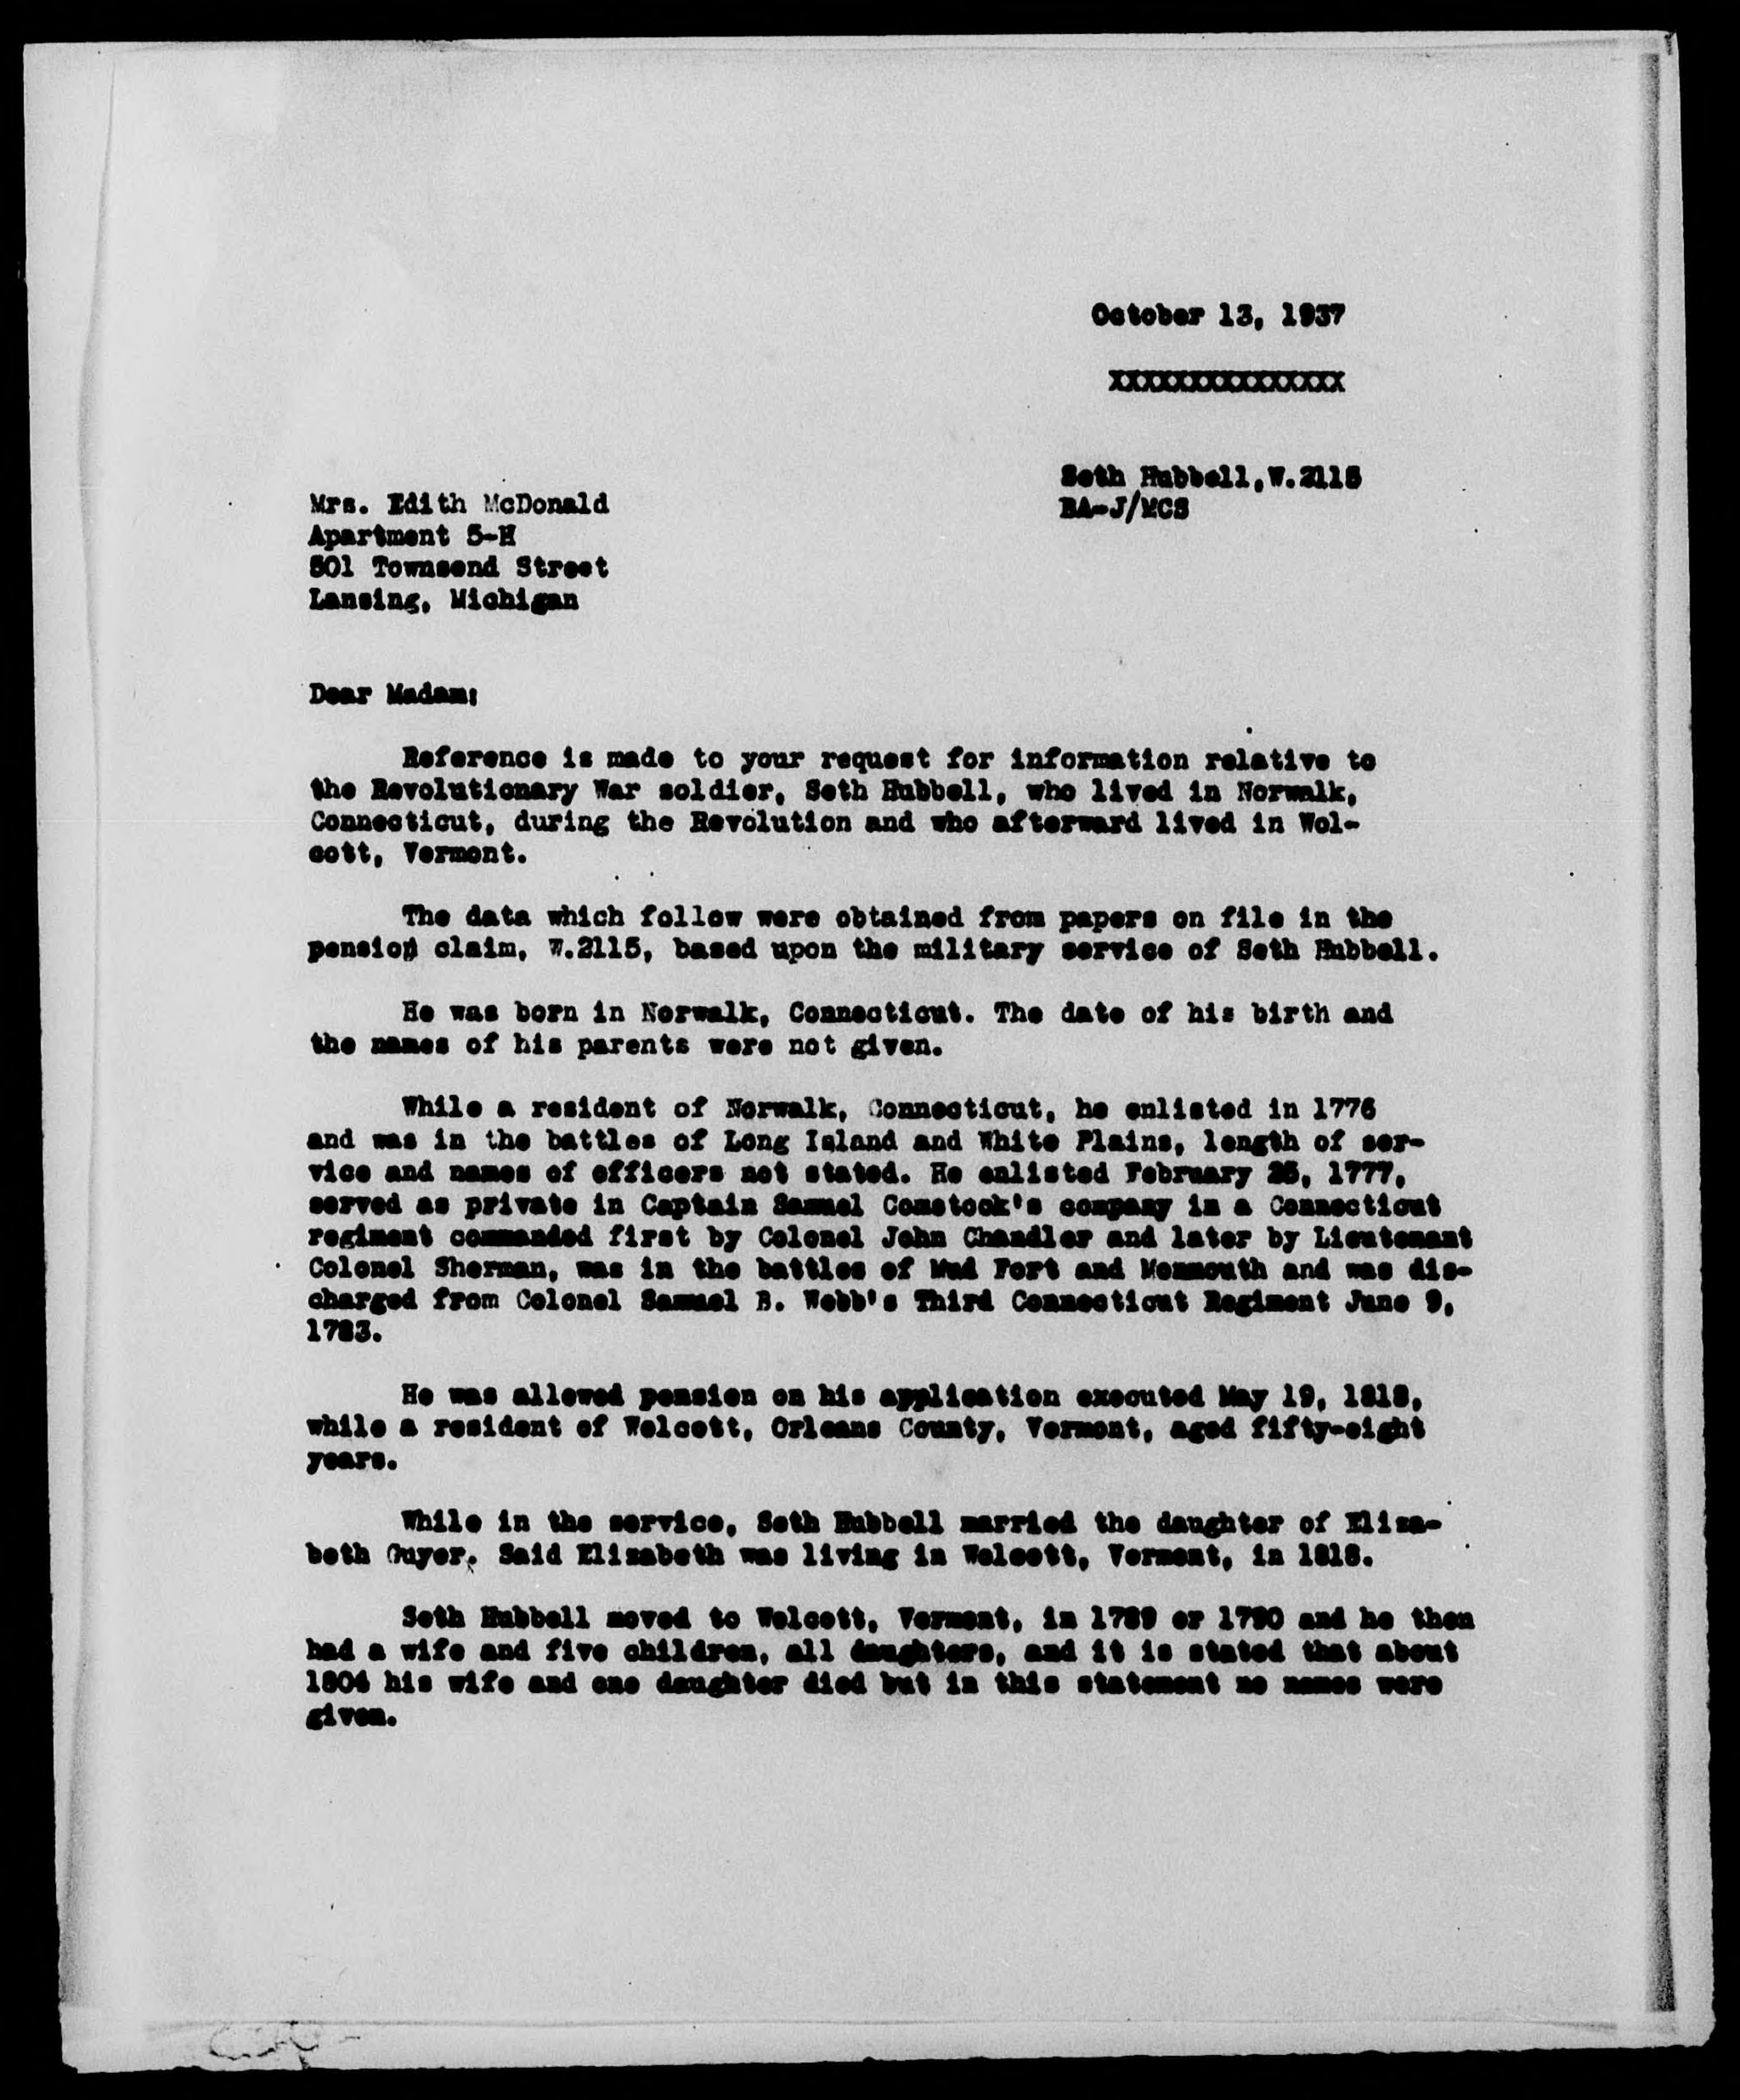October 13, 1937

XXXXXXXXXXXXXXX

Seth Hubbell, W. 2115
BA-J/MCS

Mrs. Edith McDonald
Apartment 5-H
501 Townsend Street
Lansing, Michigan

Dear Madam:

Reference is made to your request for information relative to the Revolutionary War soldier, Seth Hubbell, who lived in Norwalk, Connecticut, during the Revolution and who afterward lived in Wolcott, Vermont.

The data which follow were obtained from papers on file in the pension claim, W.2115, based upon the military service of Seth Hubbell.

He was born in Norwalk, Connecticut.  The date of his birth and the names of his parents were not given.

While a resident of Norwalk, Connecticut, he enlisted in 1776 and was in the battles of Long Island and White Plains, length of service and names of officers not stated. He enlisted February 25, 1777, served as private in Captain Samuel Comstock's company in a Connecticut regiment commanded first by Colonel John Chandler and later by Lieutenant Colonel Sherman, was in the battles of Mud Fort and Monmouth and was discharged from Colonel Samuel B. Webb's Third Connecticut Regiment June 9, 1783. 

He was allowed pension on his application executed May 19, 1818, while a resident of Wolcott, Orleans County, Vermont, aged fifty-eight years. 

While in the service, Seth Hubbell married the daughter of Elisabth Guyer.  Said Elisabeth was living in Wolcott, Vermont, in 1818.

Seth Hubbell moved to Wolcott, Vermont, in 1789 or 1790 and he then had a wife and five children, all daughters, and it is stated that about 1804 his wife and one daughter died but in this statement no names were given.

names: John Chandler, Edith Mc Donald, Seth Hubbell, Elizabeth Guyer, Sherman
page: 62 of 114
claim: widow's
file: W. 2115, Seth Hubbell, Conn.